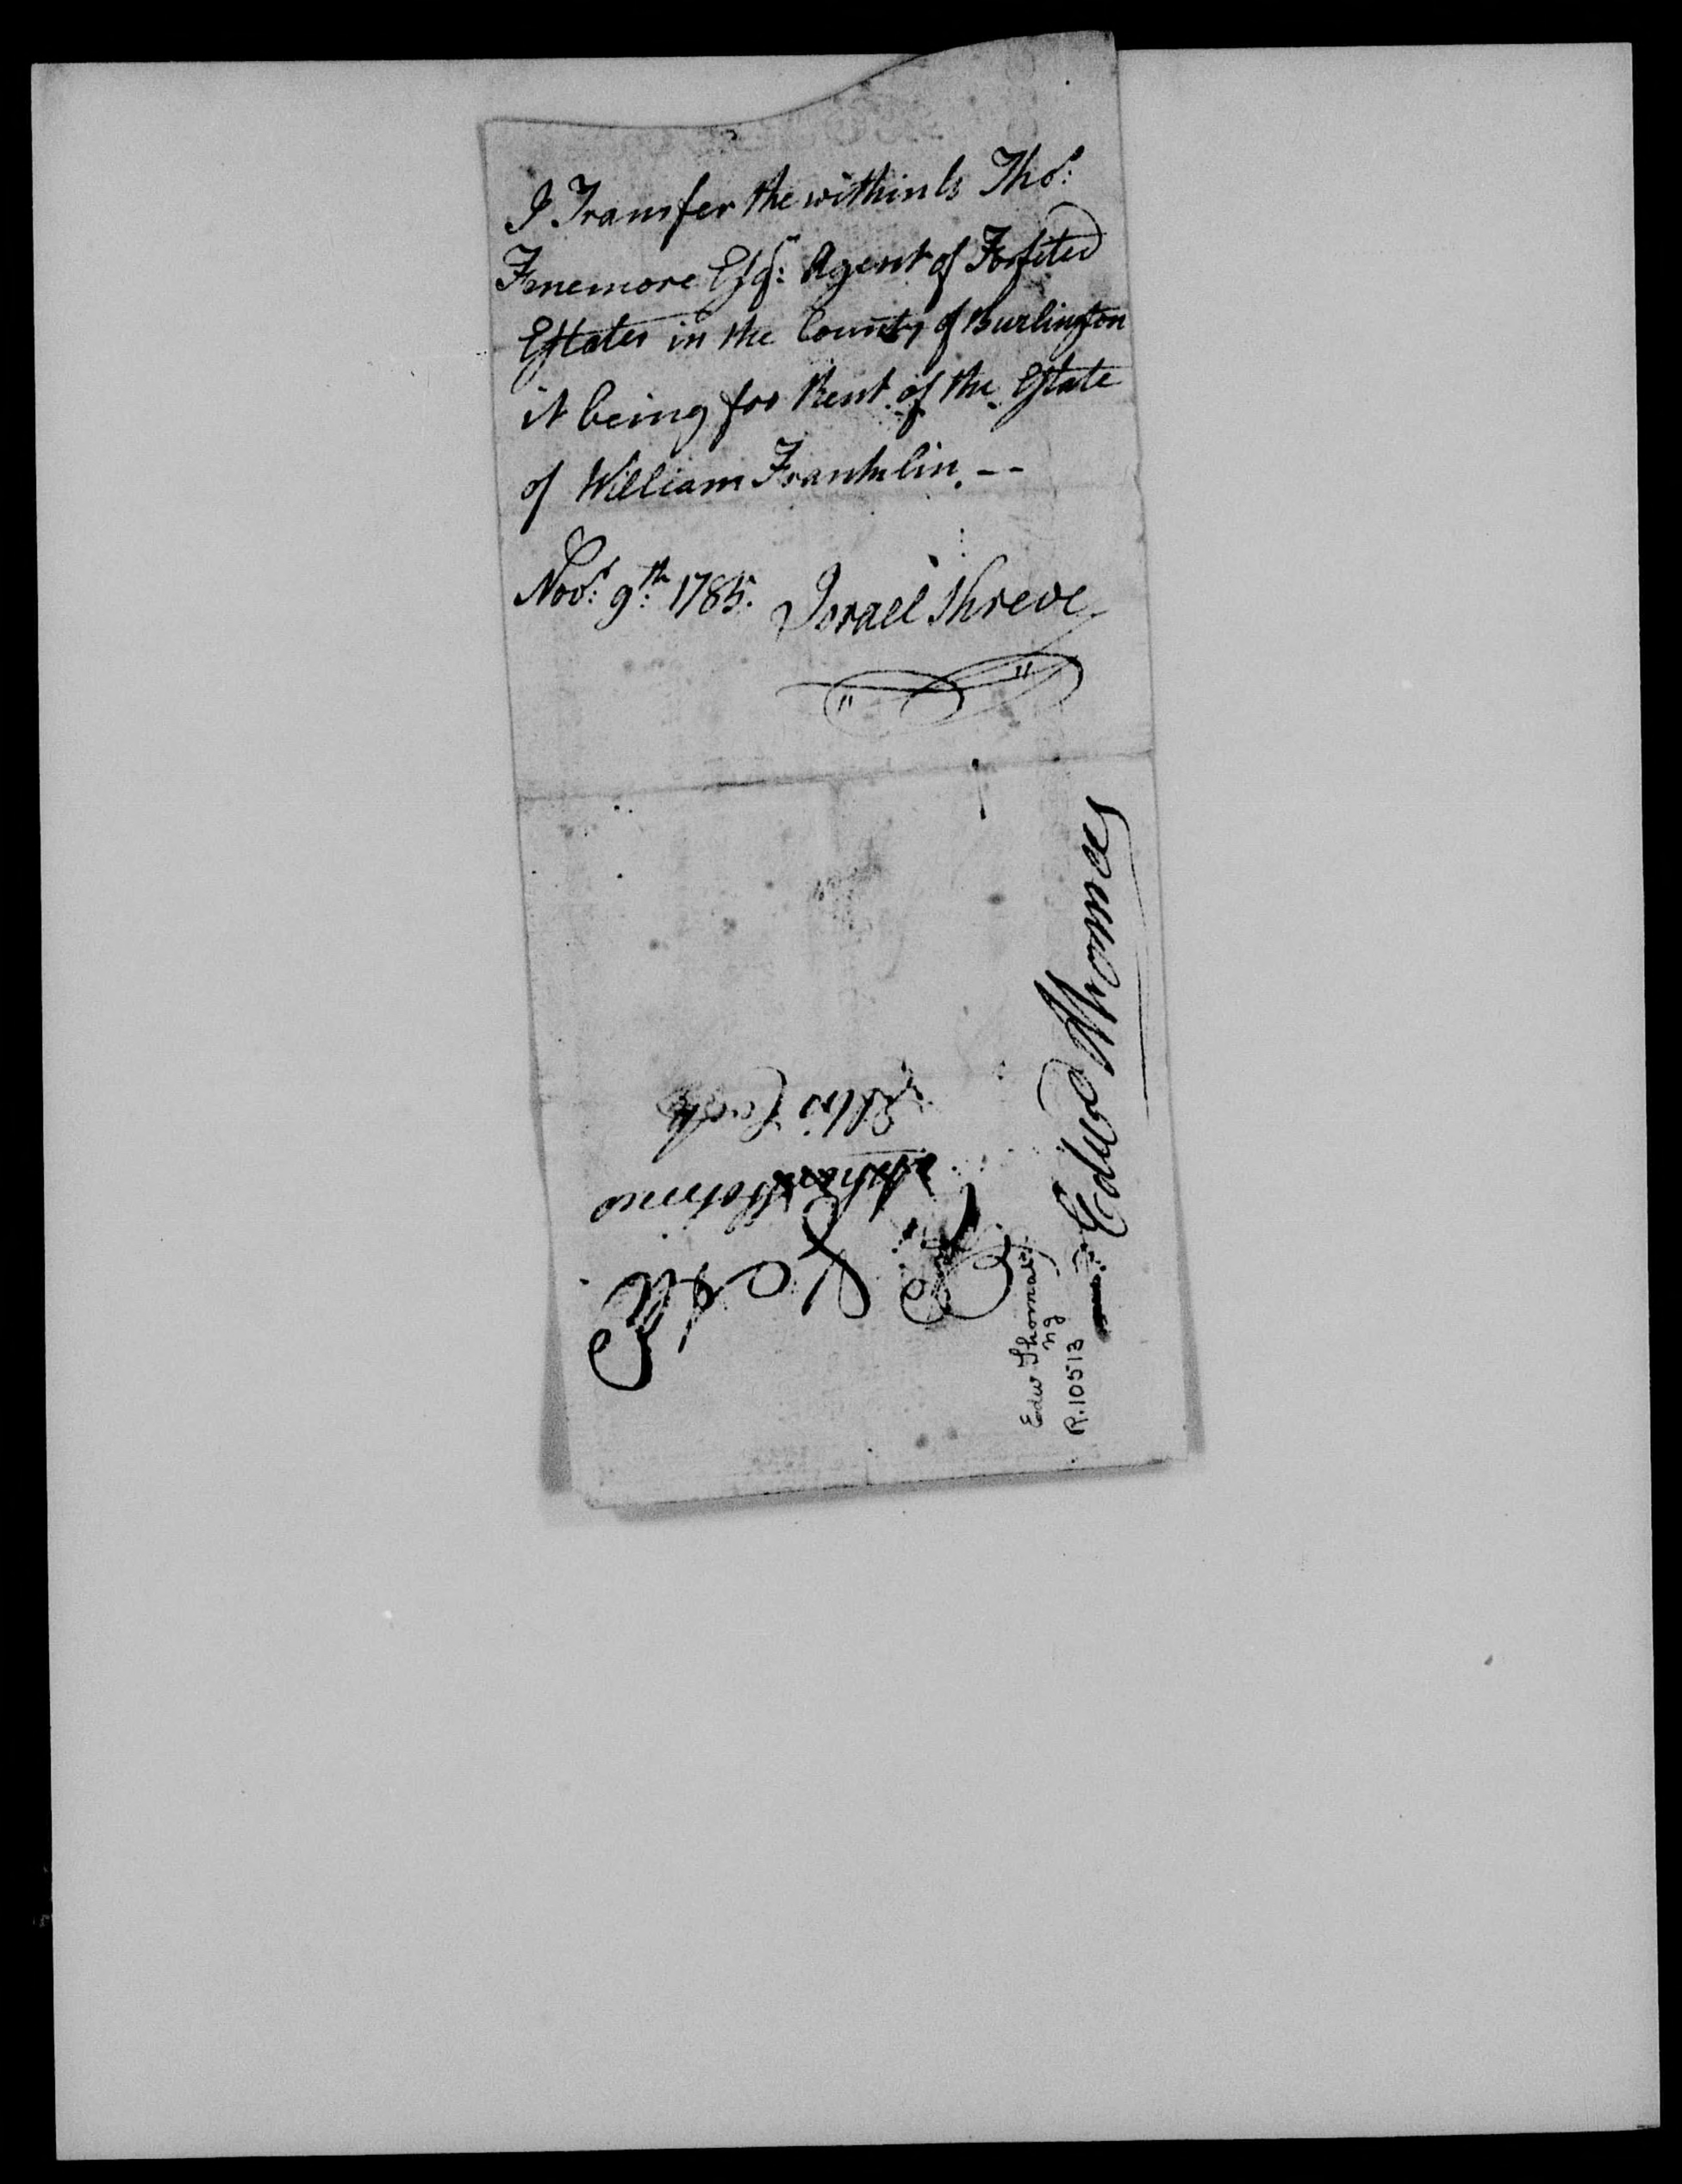I Transfer the within to Thom Fenimore Esq; Agent of Forfited Estates in the County of Burlington it being for the Rent of the estate of William Franklin
Nov 9th 1785
Israel Shreve



Edward Thomas
NJ R.10513

Elias Cook
John Holmes
[illegible]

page: 16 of 25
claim: rejected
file: R. 10513, for Edward Thomas, New Jersey